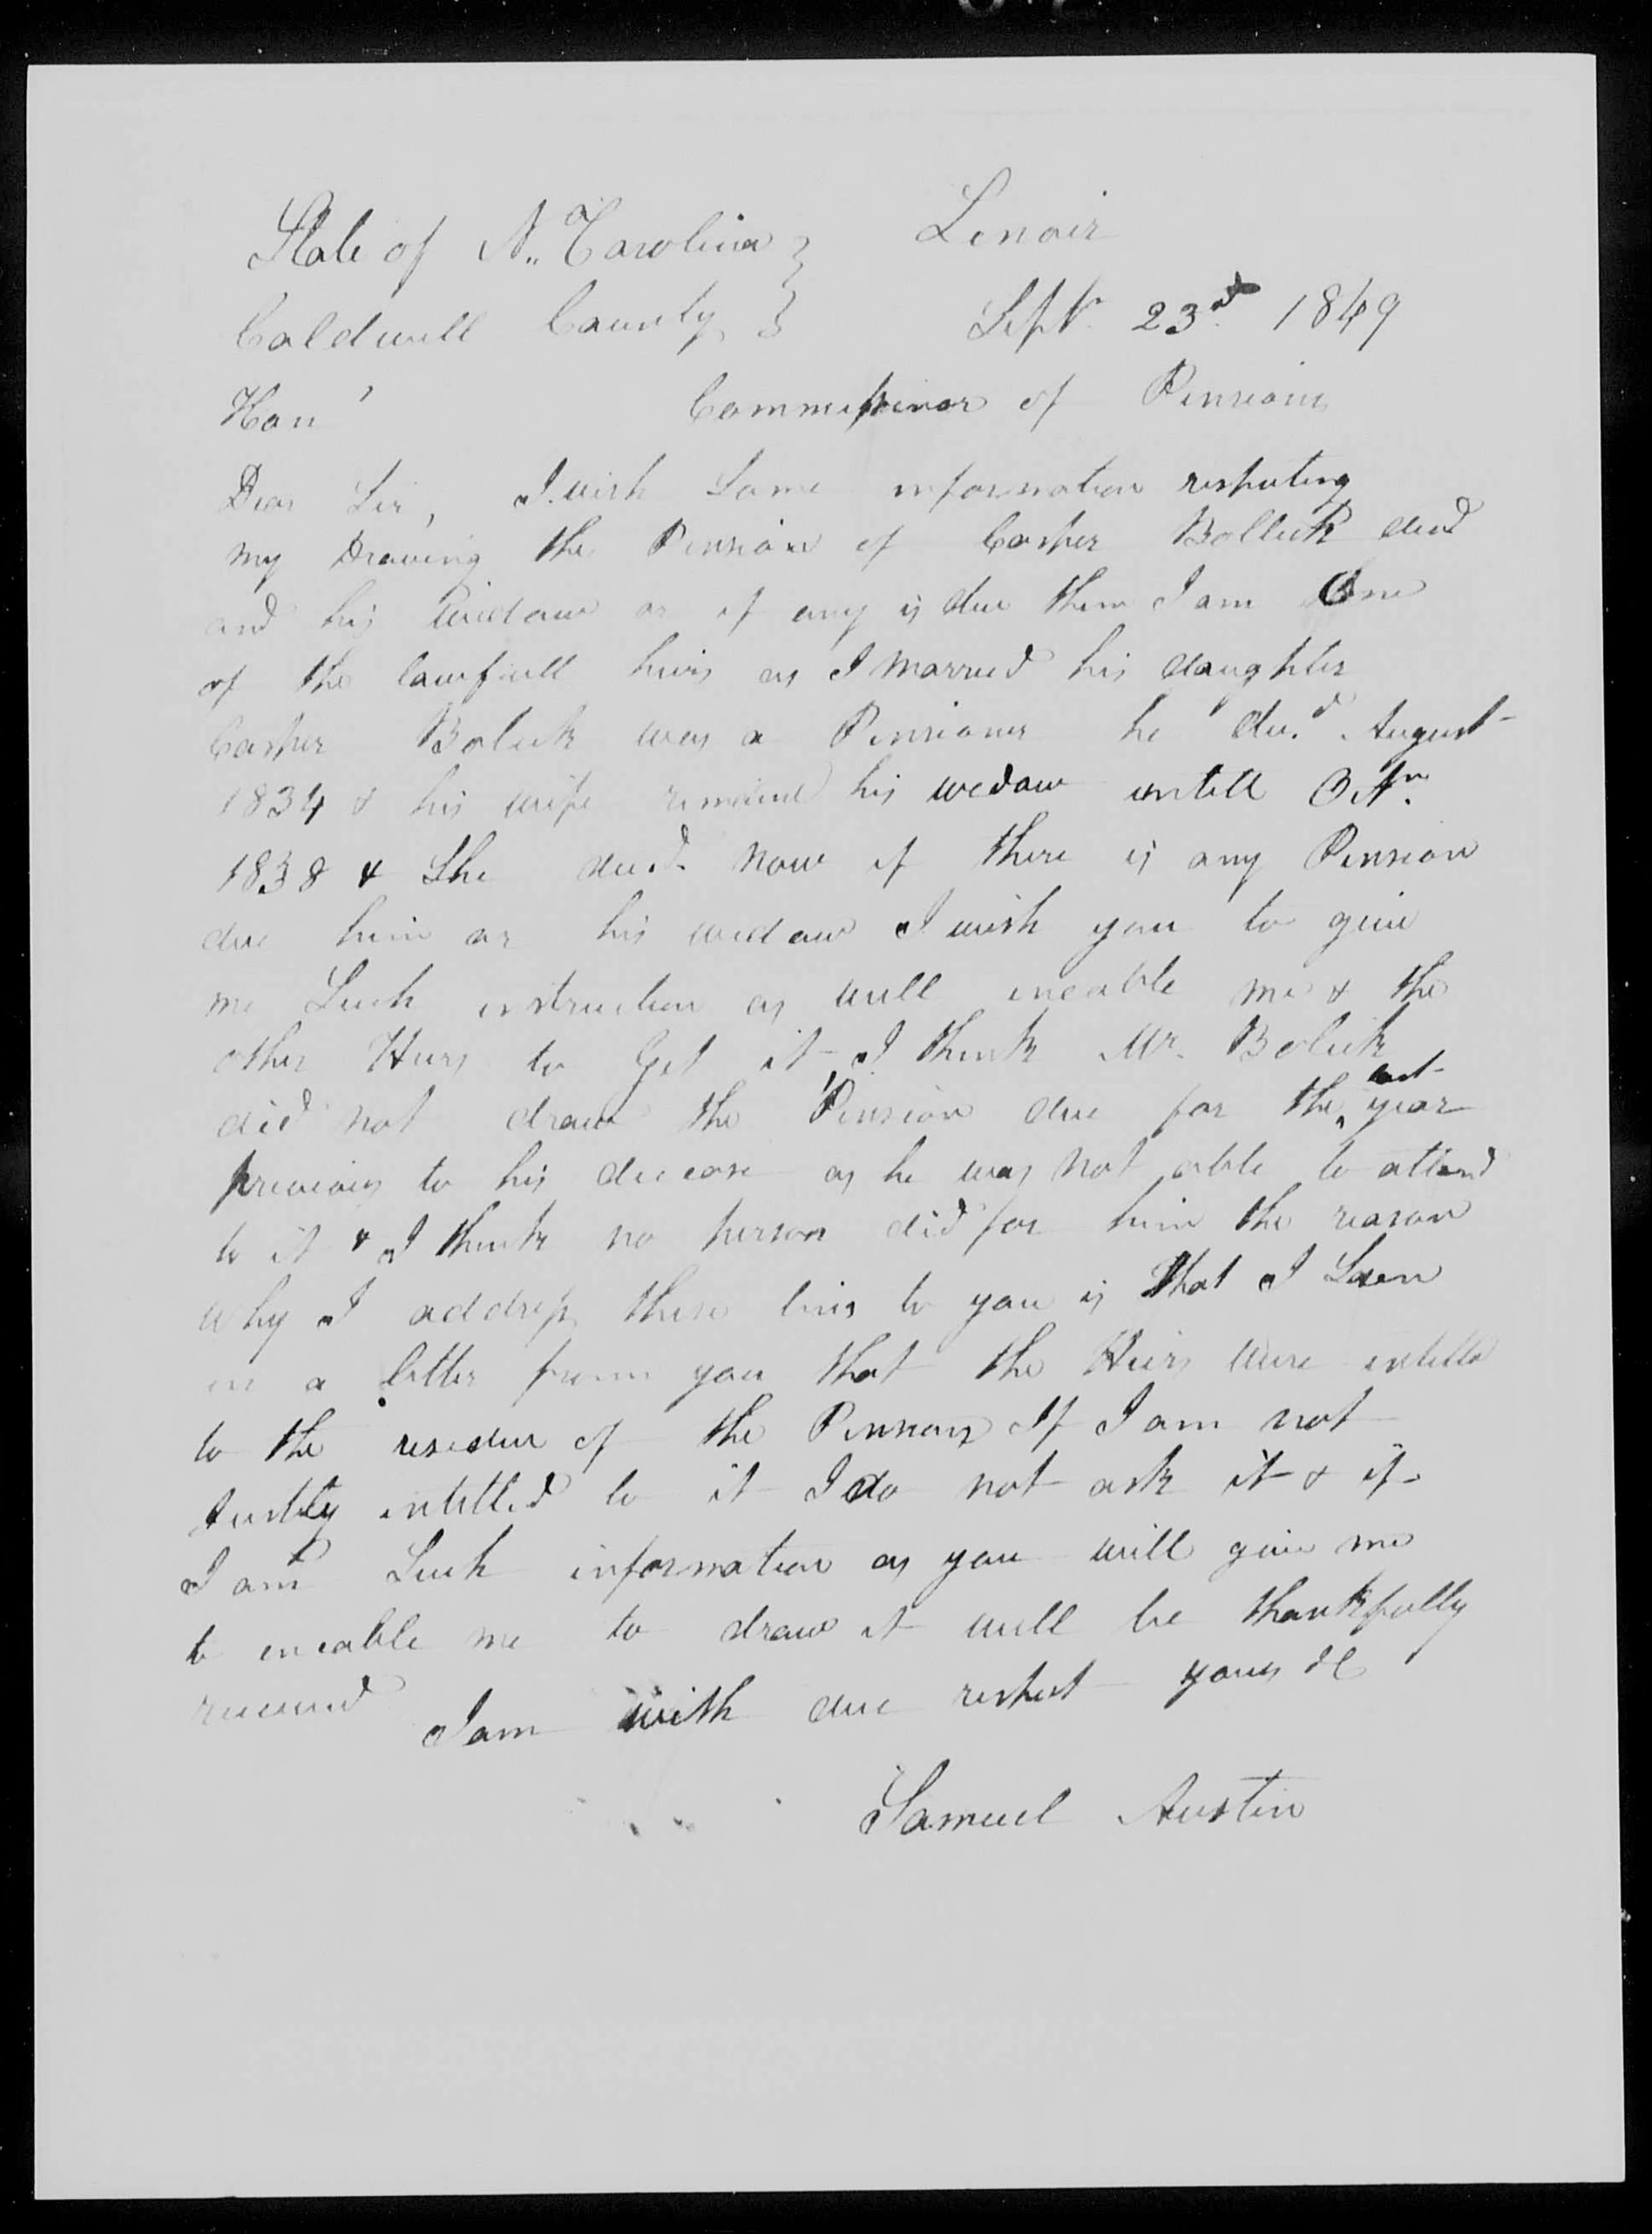State of N. Carolina} Lenoir
Caldwell County} Sept. 23rd 1849

Hon.   Commissioner of Pensions

Dear Sir, I wish some information refuting my Drawing the Pension of Casper Bollich dec'd. and his widow or if any is due then I am one of the lawful heirs as I married his daughter. Casper Bolick was a Pensioner he dec'd. August 1834 & his wife remained his widow until 1838 & she dec'd now if there is any due him or his widow I wish you to give me such instruction as will enable me & the other Heirs to get it. I think Mr. Bolick did not draw the Pension due for the year previous to his decease as he was not able to attend to it & I think no person did for him the reason why I address this being to you is that I Seen in a letter from you that the Heirs were entitled t the residue of the Pension. If I am not justly entitled to it I do not ask it & if I am such information as you will give me to enable me to draw it will be thankfully received.
I am with due respect your &c.
[Signature] Samuel Austin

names: Casper Bolick, Casper Bollick, Bolick, Samuel Austin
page: 24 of 43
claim: widow's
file: W. 18,566, Casper Bolick, N.C.